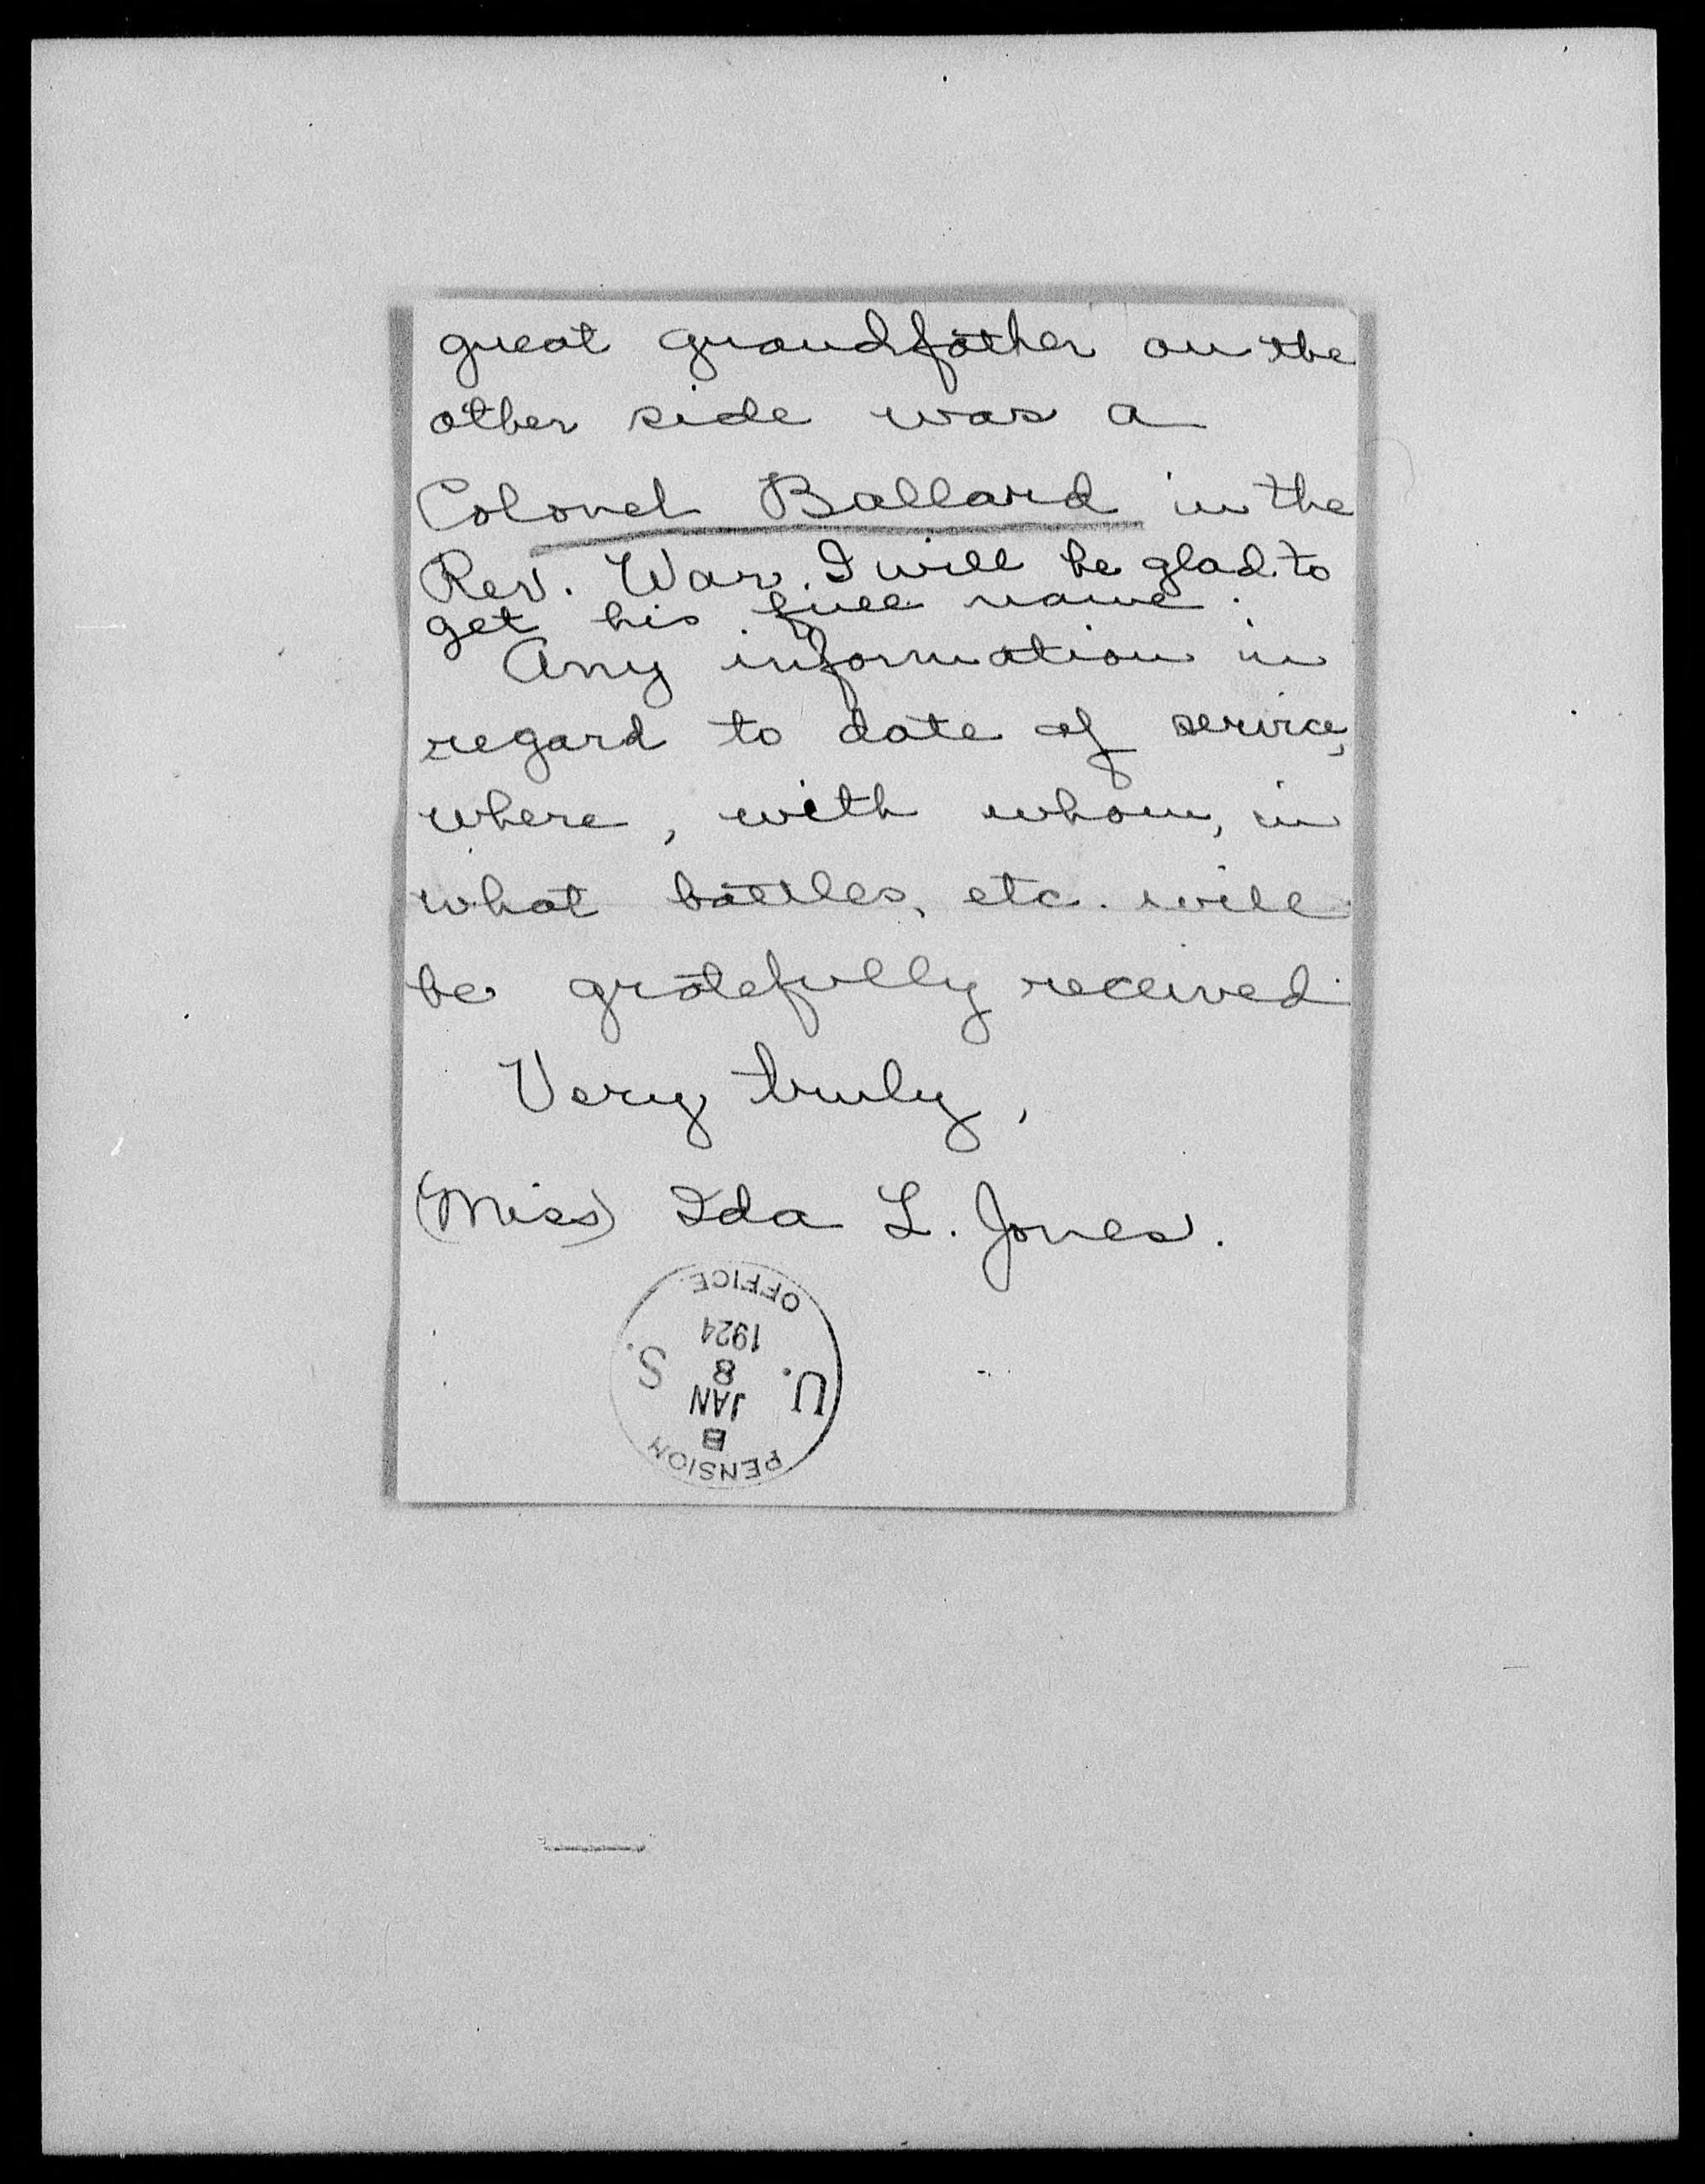great grandfather on the other side was a Colonel Ballard in the Rev. War. I will be glad to get his full name. Any information in regard to date of service, where, with whom, in what battles, etc. will be gratefully received. Very truly,
(Miss) Ida L Jones
[stamp] Pension Office Jan 8 1924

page: 21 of 28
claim: survivor's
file: S. 21844, for Samuel Jones, South Carolina